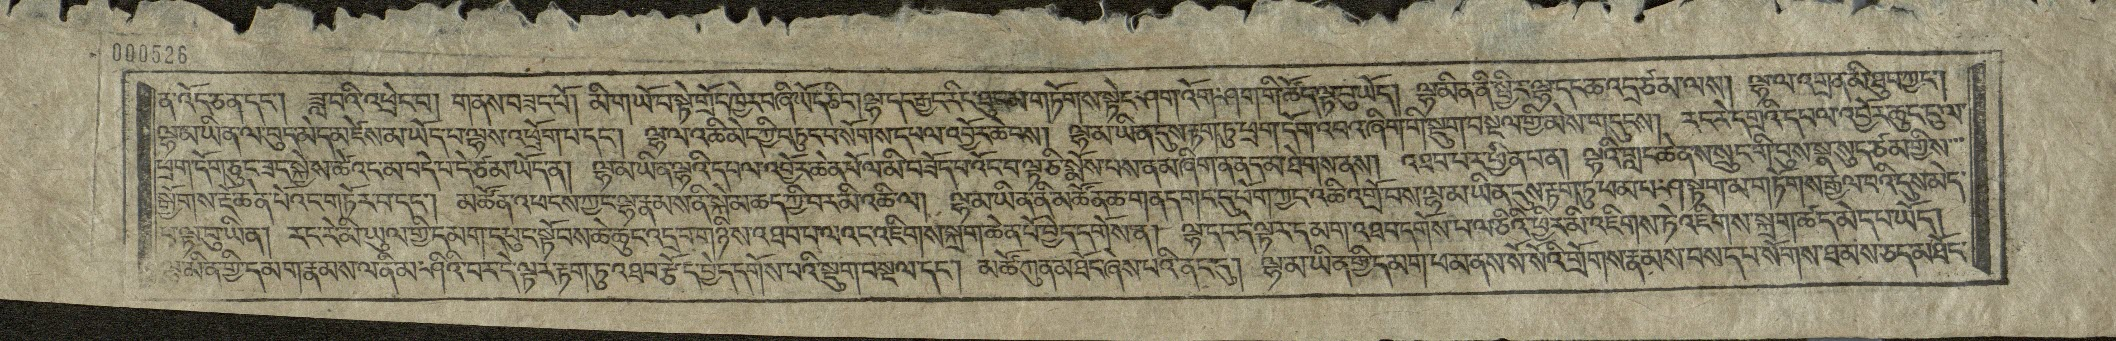ན་འོད་ཅན་དང་། ཟླ་བའི་འཕྲེང་བ། གནས་བཟང་པོ། མི་གཡོ་བ་སྟེ་གྲོང་ཁྱེར་བཞི་ཡོད་ཅིང་། ལྷ་དང་རྒྱང་རིང་ཐུང་མ་གཏོགས་སྟེང་ཤག་འོག་ཤག་གི་ཚོད་ལྟ་བུ་ཡོད། ལྷ་མིན་ནི་སྤྱིར་ལྷ་དང་ཆ་འདྲ་ཙམ་ལས། ལྷ་ལ་འགྲན་མི་ཐུབ་ཀྱང་།
ལྷ་མ་ཡིན་ལ་བུད་མེད་མཛེས་མ་ཡོད་པ་ལྷས་འཕྲོག་པ་དང་། ལྷ་ལ་འཆི་མེད་ཀྱི་བཏུང་བ་སོགས་དཔལ་འབྱོར་ཆེ་བས། ལྷ་མ་ཡིན་དུས་རྟག་ཏུ་ཕྲག་དོག་འབའ་ཞིག་གི་སྡུག་བསྔལ་གྱི་མེས་གདུངས། རང་རེ་དགྲའི་དཔལ་འབྱོར་ཆུང་ངུ་ལ་
ཕྲག་དོག་ཅུང་ཟད་སྐྱེས་ཚེའང་མ་བདེ་པ་དེ་ཙམ་ཡོད་ན། ལྷ་མ་ཡིན་ལྷའི་དཔལ་འབྱོར་ཆེན་པོ་ལ་མི་བཟོད་པ་འོང་བ་ལྟ་ཅི་སྨོས་པས་ནམ་ཞིག་ན་ནད་མ་ཐེགས་ནས། འཐབ་པར་ཕྱིན་པ་ན། ལྷའི་གླང་ཆེན་ས་སྲུང་གི་བུས་སྣ་སུད་ཙམ་གྱིས་
སྒྱོགས་རྡོ་ཆེན་པོའང་གཏོར་བ་དང་། མཚོན་འཕངས་ཀྱང་ལྷ་རྣམས་ནི་སྐེ་མ་ཆད་ཀྱི་བར་མི་འཆི་ལ། ལྷ་མ་ཡིན་ནི་མཚོན་ཆ་གནད་གང་དུ་ཕོག་ཀྱང་འཆི་འགྲོ་བས་ལྷ་མ་ཡིན་དུས་རྟག་ཏུ་ཕམ་པ་ཤ་སྟག་མ་གཏོགས་རྒྱལ་བའི་དུས་མེད་
པ་ལྟ་བུ་ཡིན། རང་རེ་མི་ཡུལ་གྱི་དམག་དཔུང་སྟོབས་ཆེ་ཆུང་འདྲ་བ་གཉིས་འཐབ་པ་ལའང་འཇིགས་སྐྲག་ཆེན་པོ་བྱེད་དགོས་ན། ལྷ་དང་དེ་ལྟར་དམག་འཐབ་དགོས་པ་ལ་ཅིའི་ཕྱིར་མི་འཇིགས་ཏེ་འཇིགས་སྐྲག་ཚད་མེད་པ་ཡོད།
ལྷ་མིན་གྱི་དམག་རྣམས་ལ་ནི་མ་ཤིའི་བར་དེ་ལྟར་རྟག་ཏུ་འཐབ་རྩོད་བྱེད་དགོས་པའི་སྡུག་བསྔལ་དང་། མཚོ་ཀུན་མཐོང་ཞེས་པའི་ནང་དུ། ལྷ་མ་ཡིན་གྱི་དམག་ཕམ་ནས་སོ་སོའི་གྲོགས་རྣམས་བསད་པ་སོགས་ཐམས་ཅད་མཐོང་